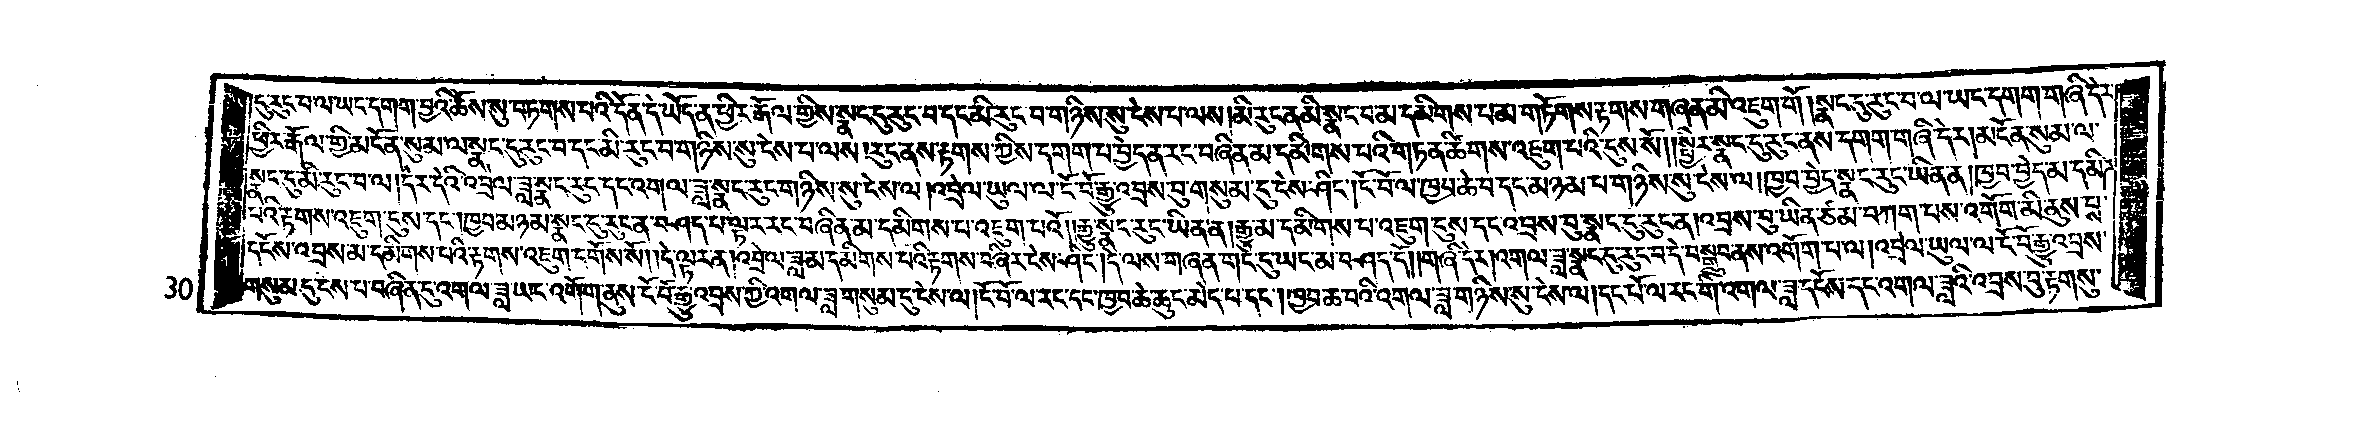དུ་རུང་བ་ལ་ཡང་དགག་བྱའི་ཆོས་སུ་བཏགས་པའི་དོན་དེ་ཡོད་ན་ཕྱིར་རྒོལ་གྱིས་སྣང་དུ་རུང་བ་དང་མི་རུང་བ་གཉིས་སུ་ངེས་པ་ལས། མི་རུང་ན་མི་སྣང་བ་མ་དམིགས་པ་མ་གཏོགས་རྟགས་གཞན་མི་འཇུག་གོ །སྣང་དུ་རུང་བ་ལ་ཡང་དགག་གཞི་དེར་
ཕྱིར་རྒོལ་གྱི་མངོན་སུམ་ལ་སྣང་དུ་རུང་བ་དང་མི་རུང་བ་གཉིས་སུ་ངེས་པ་ལས། རུང་ནས་རྟགས་ཀྱིས་དགག་པ་བྱེད་ན་རང་བཞིན་མ་དམིགས་པའི་གཏན་ཚིགས་འཇུག་པའི་དུས་སོ། །སྤྱིར་སྣང་དུ་རུང་ནས་དགག་གཞི་དེར། མངོན་སུམ་ལ་
སྣང་དུ་མི་རུང་བ་ལ། དེར་དེའི་འབྲེལ་ཟླ་སྣང་རུང་དང་འགལ་ཟླ་སྣང་རུང་གཉིས་སུ་ངེས་ལ། འབྲེལ་ཡུལ་ལ་ངོ་བོ་རྒྱུ་འབྲས་བུ་གསུམ་དུ་ངེས་ཤིང་། ངོ་བོ་ལ་ཁྱབ་ཆེ་བ་དང་མཉམ་པ་གཉིས་སུ་ངེས་ལ། ཁྱབ་བྱེད་སྣང་རུང་ཡིན་ན། ཁྱབ་བྱེད་མ་དམིཌ་?
པའི་རྟགས་འཇུག་དུས་དང་། ཁྱབ་མཉམ་སྣང་དུ་རུང་ན་བཤད་པ་ལྟར་རང་བཞིན་མ་དམིགས་པ་འཇུག་པའོ། །རྒྱུ་སྣང་རུང་ཡིན་ན། རྒྱུ་མ་དམིགས་པ་འཇུག་དུས་དང་འབྲས་བུ་སྣང་དུ་རུང་ན། འབྲས་བུ་ཡིན་ཙམ་བཀག་པས་འགོག་མི་ནུས་པས་
དངོས་འབྲས་མ་དམིགས་པའི་རྟགས་འཇུག་དགོས་སོ། །དེ་ལྟར་ན། འབྲེལ་ཟླ་མ་དམིགས་པའི་རྟགས་བཞིར་ངེས་ཤིང་། དེ་ལས་གཞན་གང་དུ་ཡང་མ་བཤད་དོ། །གཞི་དེར། འགལ་ཟླ་སྣང་དུ་རུང་བ་དེ་བསྒྲུབ་ནས་འགོག་པ་ལ། འབྲེལ་ཡུལ་ལ་ངོ་བོ་རྒྱུ་འབྲས་
གསུམ་དུ་ངེས་པ་བཞིན་དུ་འགལ་ཟླ་ཡང་འགོག་ནུས་ངོ་བོ་རྒྱུ་འབྲས་ཀྱི་འགལ་ཟླ་གསུམ་དུ་ངེས་ལ། ངོ་བོ་ལ་རང་དང་ཁྱབ་ཆེ་ཆུང་མེད་པ་དང་། ཁྱབ་ཆ་བའི་འགལ་ཟླ་གཉིས་སུ་ངེས་ལ། དང་པོ་ལ་རང་གི་འགལ་ཟླ་དངོས་དང་འགལ་ཟླའི་འབྲས་བུ་རྟགས་སུ་